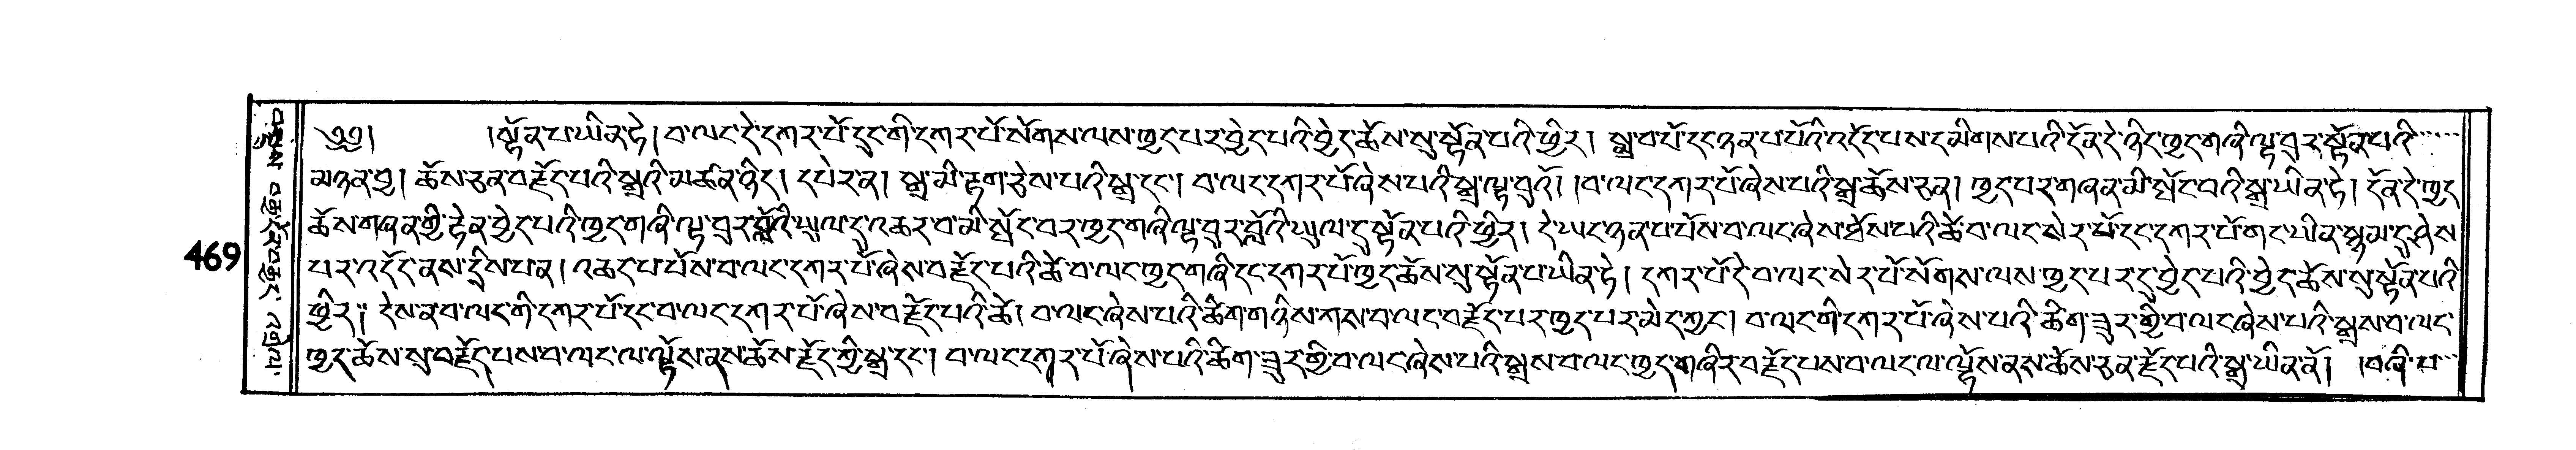༄༅། །སྟོན་པ་ཡིན་ཏེ། བ་ལང་དེ་དཀར་པོ་དུང་གི་དཀར་པོ་སོགས་ལས་ཁྱད་པར་བྱེད་པའི་བྱེད་ཆོས་སུ་སྟོན་པའི་ཕྱིར། སྨྲ་བ་པོ་དང་ཉན་པ་པོའི་འདོད་པས་དམིགས་པའི་དོན་དེ་ཉིད་ཁྱད་གཞི་ལྟ་བུར་སྟོན་པའི་
མཉན་བྱ། ཆོས་ཅན་བརྗོད་པའི་སྒྲའི་མཚན་ཉིད། དཔེར་ན། སྒྲ་མི་རྟག་ཅེས་པའི་སྒྲ་དང་། བ་ལང་དཀར་པོ་ཞེས་པའི་སྒྲ་ལྟ་བུའོ། །བ་ལང་དཀར་པོ་ཞེས་པའི་སྒྲ་ཆོས་ཅན། ཁྱད་པར་གཞན་མི་སྤོང་བའི་སྒྲ་ཡིན་ཏེ། དོན་དེ་ཁྱད་
ཆོས་གཞན་གྱི་རྟེན་བྱེད་པའི་ཁྱད་གཞི་ལྟ་བུར་བློའི་ཡུལ་དུ་འཆར་བ་མི་སྤོང་བར་ཁྱད་གཞི་ལྟ་བུར་བློའི་ཡུལ་དུ་སྟོན་པའི་ཕྱིར། དེ་ཡང་ཉན་པ་པོས་བ་ལང་ཞེས་ཐོས་པའི་ཚེ་བ་ལང་སེར་པོ་དང་དཀར་པོ་གང་ཡིན་སྙམ་དུ་ཤེས་
པར་འདོད་ནས་དྲིས་པ་ན། འཆད་པ་པོས་བ་ལང་དཀར་པོ་ཞེས་བརྗོད་པའི་ཚེ་བ་ལང་ཁྱད་གཞི་དང་དཀར་པོ་ཁྱད་ཆོས་སུ་སྟོན་པ་ཡིན་ཏེ། དཀར་པོ་དེ་བ་ལང་སེར་པོ་སོགས་ལས་ཁྱད་པར་དུ་བྱེད་པའི་བྱེད་ཆོས་སུ་སྟོན་པའི་
ཕྱིར༑ དེས་ན་བ་ལང་གི་དཀར་པོ་དང་བ་ལང་དཀར་པོ་ཞེས་བརྗོད་པའི་ཚེ། བ་ལང་ཞེས་པའི་ཚིག་གཉིས་ཀས་བ་ལང་བརྗོད་པར་ཁྱད་པར་མེད་ཀྱང་། བ་ལང་གི་དཀར་པོ་ཞེས་པའི་ཚིག་ཟུར་གྱི་བ་ལང་ཞེས་པའི་སྒྲས་བ་ལང་
ཁྱད་ཆོས་སུ་བརྗོད་པས་བ་ལང་ལ་ལྟོས་ནས་ཆོས་རྗོད་ཀྱི་སྒྲ་དང་། བ་ལང་དཀར་པོ་ཞེས་པའི་ཚིག་ཟུར་གྱི་བ་ལང་ཞེས་པའི་སྒྲས་བ་ལང་ཁྱད་གཞིར་བརྗོད་པས་བ་ལང་ལ་ལྟོས་ནས་ཆོས་ཅན་རྗོད་པའི་སྒྲ་ཡིན་ནོ། །བཞི་པ་